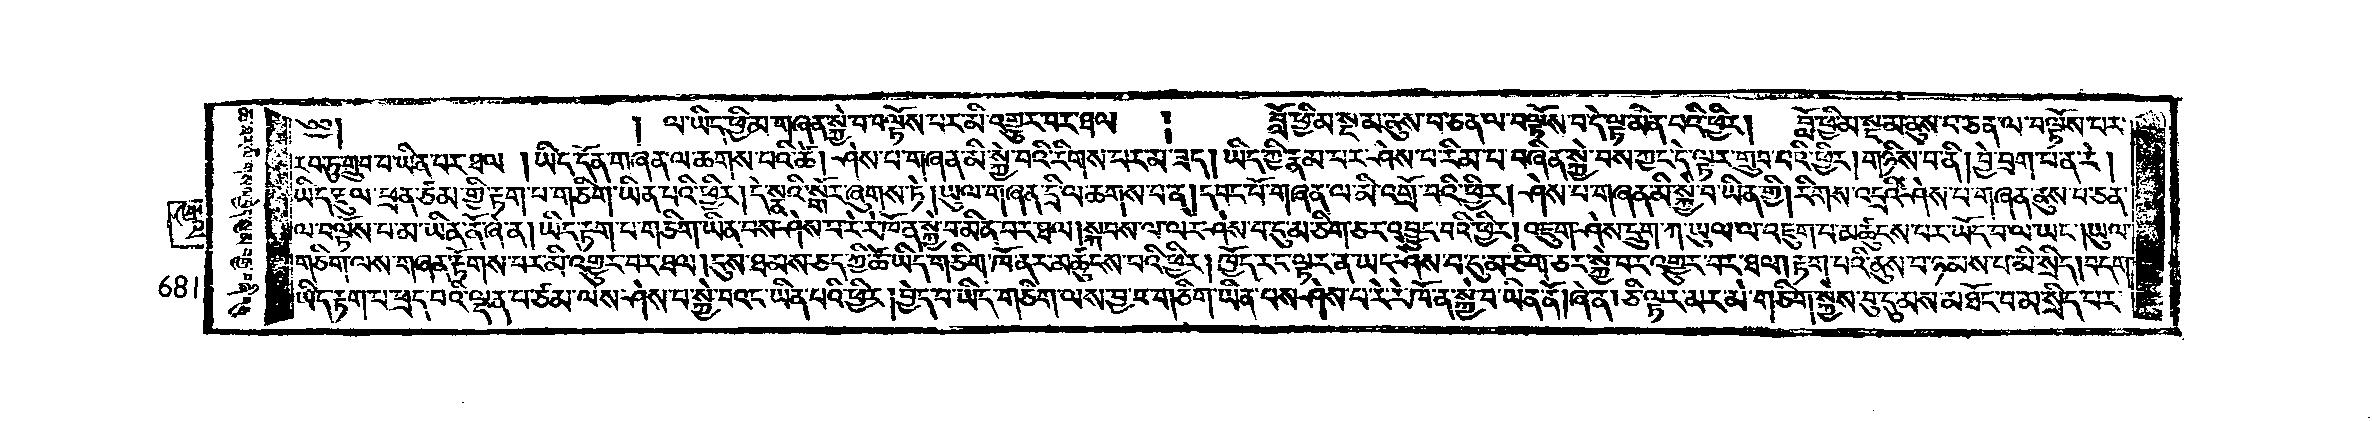༄༅། །ལ་ཡིད་ཕྱི་མ་གཞན་སྐྱེ་བ་བལྟོས་པར་མི་འགྱུར་བར་ཐལ། བློ་ཕྱི་མ་སྔ་མ་ནུས་པ་ཅན་ལ་བལྟོས་པ་དེ་ལྟ་མིན་པའི་ཕྱིར། བློ་ཕྱི་མ་སྔ་མ་ནུས་པ་ཅན་ལ་བལྟོས་པར་
རབ་ཏུ་གྲུབ་པ་ཡིན་པར་ཐལ། ཡིད་དོན་གཞན་ལ་ཆགས་པའི་ཚེ། ཤེས་པ་གཞན་མི་སྐྱེ་བའི་རིགས་པར་མ་ཟད། ཡིད་ཀྱི་རྣམ་པར་ཤེས་པ་རིམ་པ་བཞིན་སྐྱེ་བས་ཀྱང་དེ་ལྟར་གྲུབ་པའི་ཕྱིར། གཉིས་པ་ནི། བྱེ་བྲག་པ་ན་རེ།
ཡིད་རྡུལ་ཕྲན་ཙམ་གྱི་རྟག་པ་གཅིག་ཡིན་པའི་ཕྱིར། དེ་སྣའི་སྒོར་ཞུགས་ཏེ། ཡུལ་གཞན་དྲི་ལ་ཆགས་པ་ན། དབང་པོ་གཞན་ལ་མི་འགྲོ་བའི་ཕྱིར། ཤེས་པ་གཞན་མི་སྐྱེ་བ་ཡིན་གྱི། རིགས་འདྲའི་ཤེས་པ་གཞན་ནུས་པ་ཅན་
ལ་བལྟོས་པ་མ་ཡིན་ནོ་ཞེ་ན། ཡིད་རྟག་པ་གཅིག་ཡིན་པས་ཤེས་པ་རེ་རེ་ཁོ་ན་སྐྱེ་བ་མིན་པར་ཐལ། སྐབས་ལ་ལར་ཤེས་པ་དུ་མ་ཅིག་ཅར་འབྱུང་བའི་ཕྱིར། འཇུག་ཤེས་དྲུག་ཀ་ཡུལ་ལ་འཇུག་པ་མཚུངས་པར་ཡོད་པ་ལ་ཡང་། ཡུལ་
གཅིག་ལས་གཞན་རྟོགས་པར་མི་འགྱུར་བར་ཐལ། དུས་ཐམས་ཅད་ཀྱི་ཚེ་ཡིད་གཅིག་ཁོ་ནར་མཚུངས་པའི་ཕྱིར། ཁྱོད་རང་ལྟར་ན་ཡང་ཤེས་པ་དུ་མ་ཅིག་ཅར་སྐྱེ་བར་འགྱུར་བར་ཐལ། རྟག་པའི་ནུས་པ་ཉམས་པ་མི་སྲིད། བདག་
ཡིད་རྟག་པ་ཕྲད་པའི་ལྡན་པ་ཙམ་ལས་ཤེས་པ་སྐྱེ་བའང་ཡིན་པའི་ཕྱིར། བྱེད་པ་ཡིད་གཅིག་ལས་བྱ་བ་གཅིག་ཡིན་པས་ཤེས་པ་རེ་རེ་ཁོ་ན་སྐྱེ་བ་ཡིན་ནོ། ཞེ་ན། ཅི་ལྟར་མར་མེ་གཅིག་སྐྱེས་བུ་དུ་མས་མཐོང་བ་མ་སྲེད་པར་